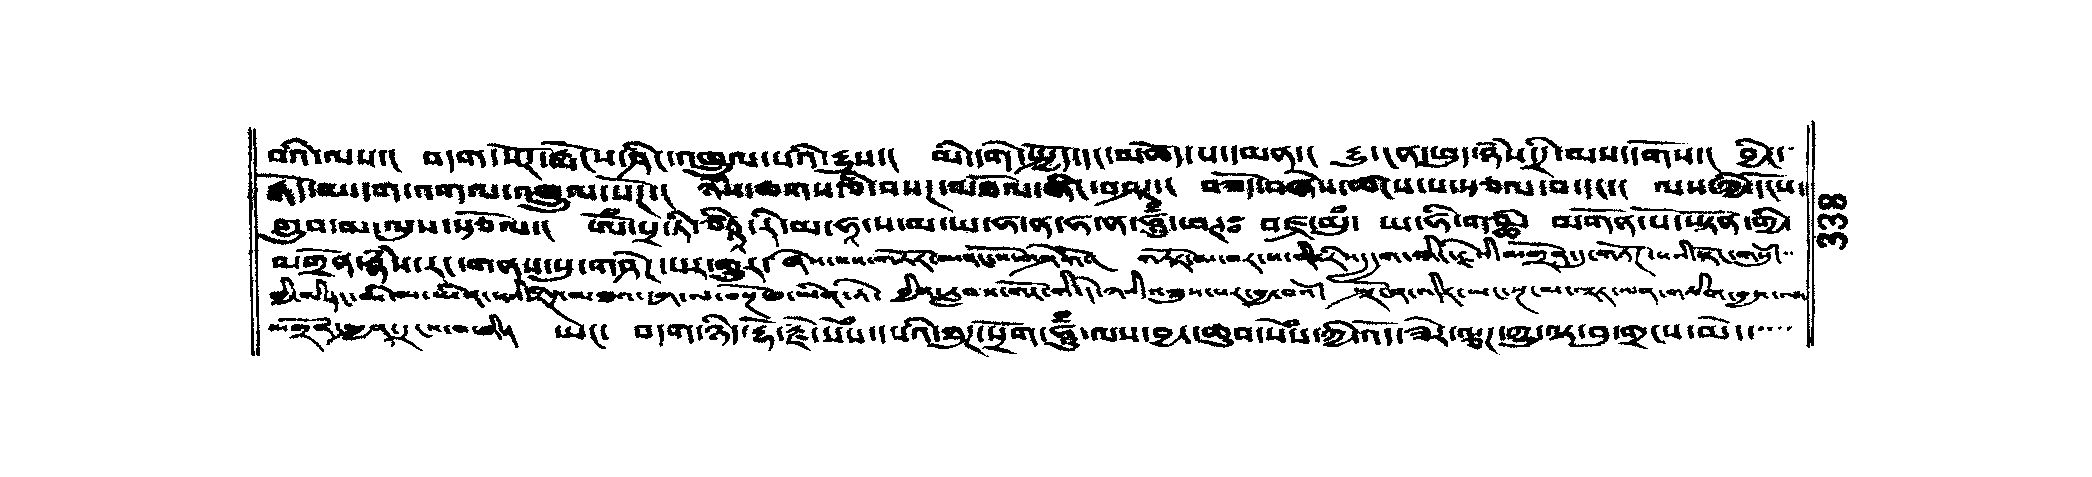བའི་ལས། །བདག་སོགས་རྨོངས་ཤིང་འཁྲུལ་པའི་རྒྱུས། །མི་དགེ་སྤྱོད་དང་མཆོད་པ་དམན། །རྒྱུ་ངན་ཕུད་ཉམས་དྲི་མས་དགོས། །བྱིང་
རྒོད་མ་དག་འགལ་འཁྲུལ་སོགས། །ཉམས་ཆགས་ཅི་བསགས་མཐོལ་ཞིང་བཤགས། །བཟོད་བཞེས་ཚངས་པ་སྩོལ་བ་དང་། །ལས་ཀྱི་དངོས་
གྲུབ་མ་ལུས་སྩོལ། ཨོཾ་པྲ་ཏི་ཙིཏྟཱ་རི་མ་ཧཱ་ས་མ་ཡ་ཧ་ན་ཧ་ན་ཧཱུྃ་ཕཊཿ བཛྲ་མུྃ། ཡ་ཧི་གཙྪ། མགོན་པོ་ཡོན་ཏན་གྱི་
མགྲོན་རྣམས་རང་གནས་སུ་གཤེགས་པར་གྱུར། ཞེས་པས་གཏོར་མ་དང་པོ་གཤེགས་སོ། གཏོར་མ་བར་པ་ནི་རིགས་དྲུག་སྙིང་རྗེའི་མགྲོན་དུ་གཏོགས་པའི་སྟོང་གསུམ་
གྱི་མི་དང་མི་མ་ཡིན་པའི་རིགས་མཐའ་དག་ལ་བསྔོ་བ་ཡིན་ཏེ། བྱིན་རླབས་གོང་གི་དེ་ཀའི་འཐུས་པར་བྱ་བའམ། སྤྲོ་ན་འདིར་ཡང་སྔ་མ་ལྟར་ལན་ཅིག་བྱས་ལ་
མགྲོན་སྤྱན་དྲངས་བ་ནི། ཡང་བདག་ཉིད་རྡོ་རྗེ་སེམས་དཔའི་ཐུགས་སྲོག་ཧཱུྃ་ལས་བྱང་ཆུབ་སེམས་ཀྱི་འོད་ཟེར་ལྕགས་ཀྱུ་ལྟ་བུ་གྲངས་མེད་